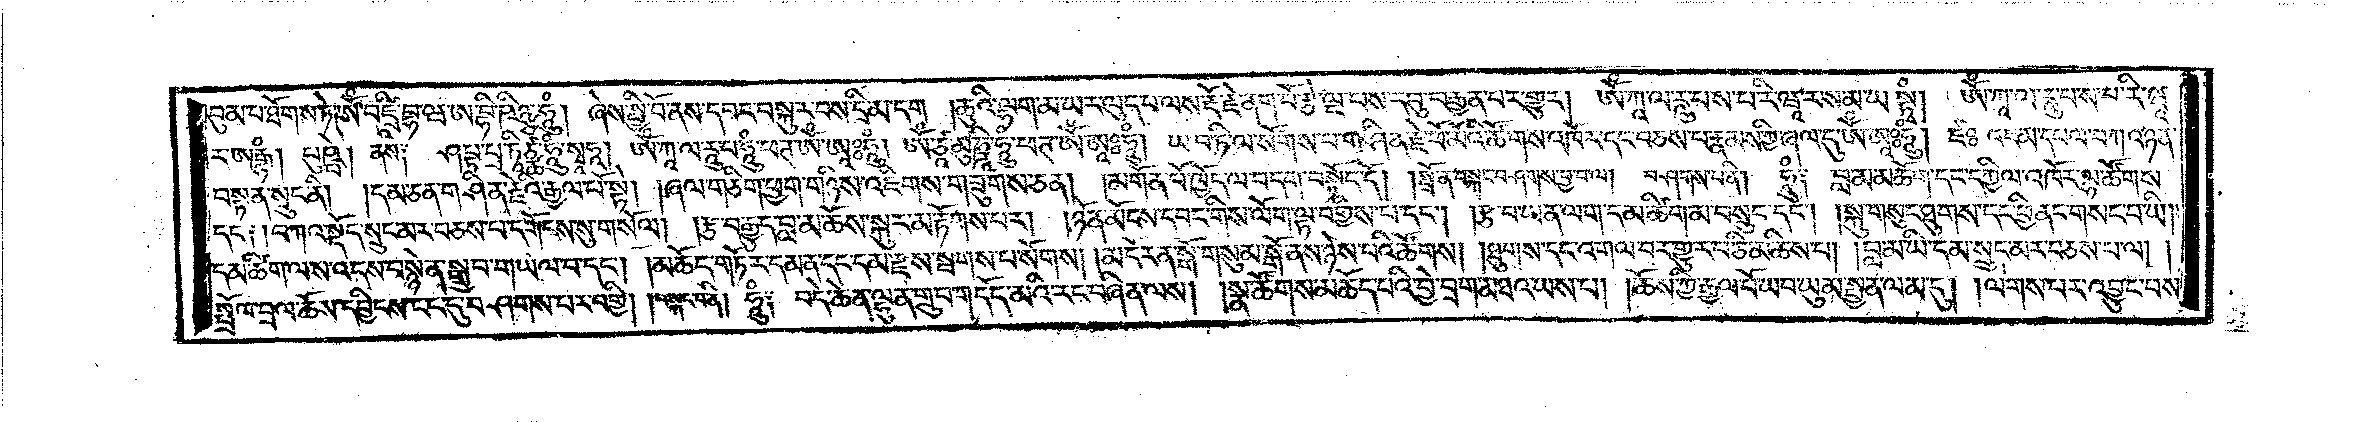བུམ་པ་ཐོགས་ཏེ། ཨོཾ་བཛྲཱི་བྷ་ཝ་ཨ་བྷི་ཥིཉྩ་ཧཱུཾ། ཞེས་སྤྱི་བོ་ནས་དབང་བསྐུར་བས་དྲི་མ་དག །ཆུའི་ལྷག་མ་ཡར་ལུད་པ་ལས་རྡོ་རྗེ་ནག་པོ་རྩེ་ལྔ་པས་དབུ་བརྒྱན་པར་གྱུར། ཨོམ་ཀཱ་ལ་རཱུ་པས་པ་རི་ཝཱ་རས་མ་ཡ་སྟྭཾ། ཨོཾ་ཀཱ་ལ་རཱུ་པ་ས་པ་རི་ཝཱ་
ར་ཨརྒྷཾ། པུཥྤེ། ནས༑ ཤཔྟ་པྲ་ཏཱི་ཙྪ་ཧཱུཎཾ་སྭཱཧཱ། ཨོཾ་ཀཱ་ལ་རཱུ་པ་ཧཱུཾ་ཕཊ་ཨོཾ་ཨཱཿཧཱུཾ། ཡབ་ཏི་ལ་སོགས་པ་གཤིན་རྗེ་ཕོ་མོའི་ཚོགས་ཁྲོ་དང་བཅས་པ་རྣམས་ཀྱི་ཞལ་དུ་ཨོཾ་ཨཱཿ ཧཱུཾ། ཛཿ འཇམ་དཔལ་བཀའ་ཉན་
བསྟན་སྲུང་ནི། །དམ་ཅན་གཤིན་རྗེའི་རྒྱལ་པོ་སྟེ། །ཞལ་གཅིག་ཕྱག་གཉིས་འཇིགས་གཟུགས་ཅན། །མགོན་པོ་ཁྱོད་ལ་བདག་བསྟོད་དོ། །སྤྲོ་ན་བསྐང་བཤགས་བྱ་བ་ལ། བཤགས་པ་ནི། ཧཱུཾ༑ བླ་མ་མཆོག་དང་དཀྱིལ་འཁོར་ལྷ་ཚོགས་
དང༑ །བཀའ་སྡོད་སྲུང་མར་བཅས་པ་དགོངས་སུ་གསོལ། །རྩ་བརྒྱུད་བླ་མ་ཆོས་སྐུར་མ་རྟོགས་པར། །ཉོན་མོངས་དབང་གིས་ལོག་ལྟ་བགྱིས་པ་དང་། །རྩ་བ་ཡན་ལག་དམ་ཚིག་མ་བསྲུང་དང་། །སྐུ་གསུང་ཐུགས་དང་ཕྱི་ནང་གསང་བ་ཡི༑
དམ་ཚིག་ལས་འདས་བསྙེན་སྒྲུབ་གཡེལ་བ་དང་། །མཆོད་གཏོར་དམན་དང་དམ་རྫས་སྦགས་ལ་སོགས། །མདོར་ན་སྒོ་གསུམ་སྒོ་ནས་ཉེས་པའི་ཚོགས། །ཐུགས་དང་འགལ་བར་གྱུར་བ་ཅི་མཆིས་པ། །བླ་མ་ཡི་དམ་སྲུང་མར་བཅས་པ་ལ། །
སྤྲོལ་བྲལ་ཆོས་དབྱིངས་དང་དུ་བཤགས་པར་བགྱི། །བསྐང་བ་ནི།  ཧཱུཾ༑ བདེ་ཆེན་ལྷུན་གྲུབ་གདོད་མའི་རང་བཞིན་ལས། །སྣ་ཚོགས་མཆོད་པའི་བྱེ་བྲག་མཐའ་ཡས་པ། །ཆོས་ཀྱི་རྒྱལ་པོ་ཡབ་ཡུམ་སྤྱན་ལམ་དུ། །ལེགས་པར་འབྱུང་བས་